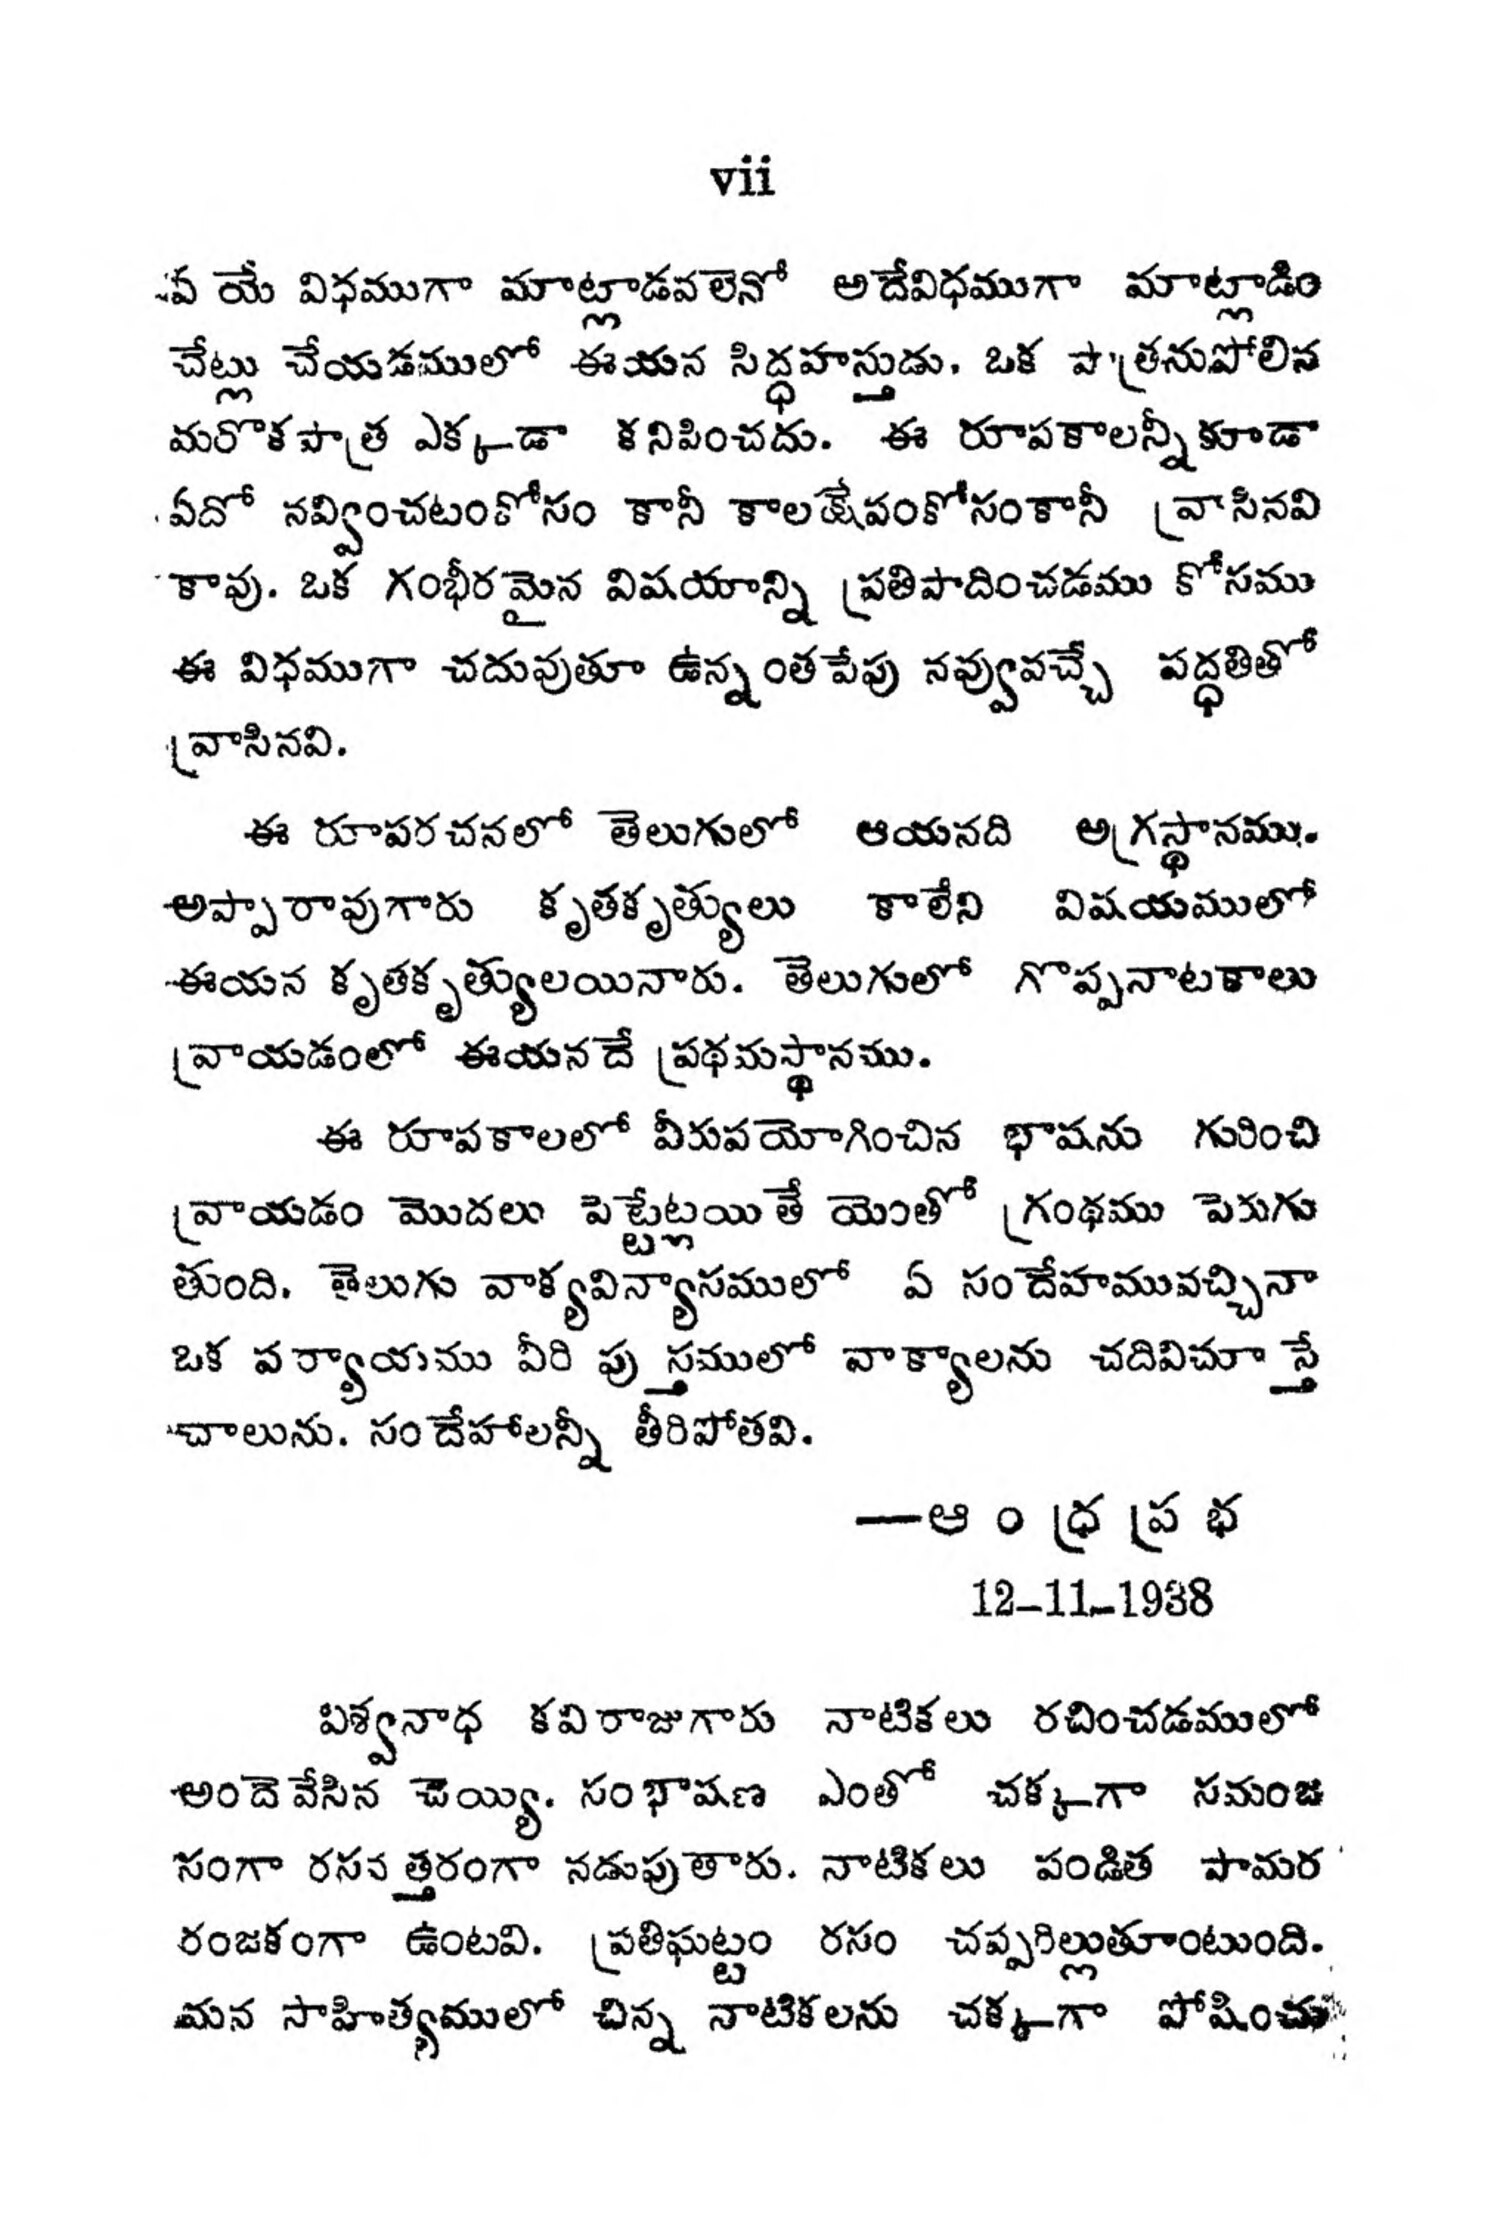ఏ యే విధముగా మాట్లాడవలెనో అదేవిధముగా మాట్లాడించేట్లు చేయడములో ఈయన సిద్ధహస్తుడు. ఒక పాత్రనుపోలిన మరొకపాత్ర ఎక్కడా కనిపించదు. ఈ రూపకాలన్నీకూడా ఏదో నవ్వించటంకోసం కానీ కాలక్షేపంకోసంకానీ వ్రాసినవి కావు. ఒక గంభీరమైన విషయాన్ని ప్రతిపాదించడము కోసము ఈ విధముగా చదువుతూ ఉన్నంతసేపు నవ్వువచ్చే పద్ధతితో వ్రాసినవి.

ఈ రూపరచనలో తెలుగులో ఆయనది అగ్రస్థానము. అప్పారావుగారు కృతకృత్యులు కాలేని విషయములో ఈయన కృతకృత్యులయినారు. తెలుగులో గొప్పనాటకాలు వ్రాయడంలో ఈయనదే ప్రథమస్థానము.

ఈ రూపకాలలో వీరుపయోగించిన భాషను గురించి వ్రాయడం మొదలు పెట్టేట్లయితే యెంతో గ్రంథము పెరుగుతుంది. తెలుగు వాక్యవిన్యాసములో ఏ సందేహమువచ్చినా ఒక పర్యాయము వీరి పుస్తములో వాక్యాలను చదివిచూస్తే చాలును. సందేహాలన్నీ తీరిపోతవి.

విశ్వనాధ కవిరాజుగారు నాటికలు రచించడములో అందెవేసిన చెయ్యి. సంభాషణ ఎంతో చక్కగా సమంజసంగా రసవత్తరంగా నడుపుతారు. నాటికలు పండిత పామర రంజకంగా ఉంటవి. ప్రతిఘట్టం రసం చప్పరిల్లుతూంటుంది.
మన సాహిత్యములో చిన్న నాటికలను చక్కగా పోషించు